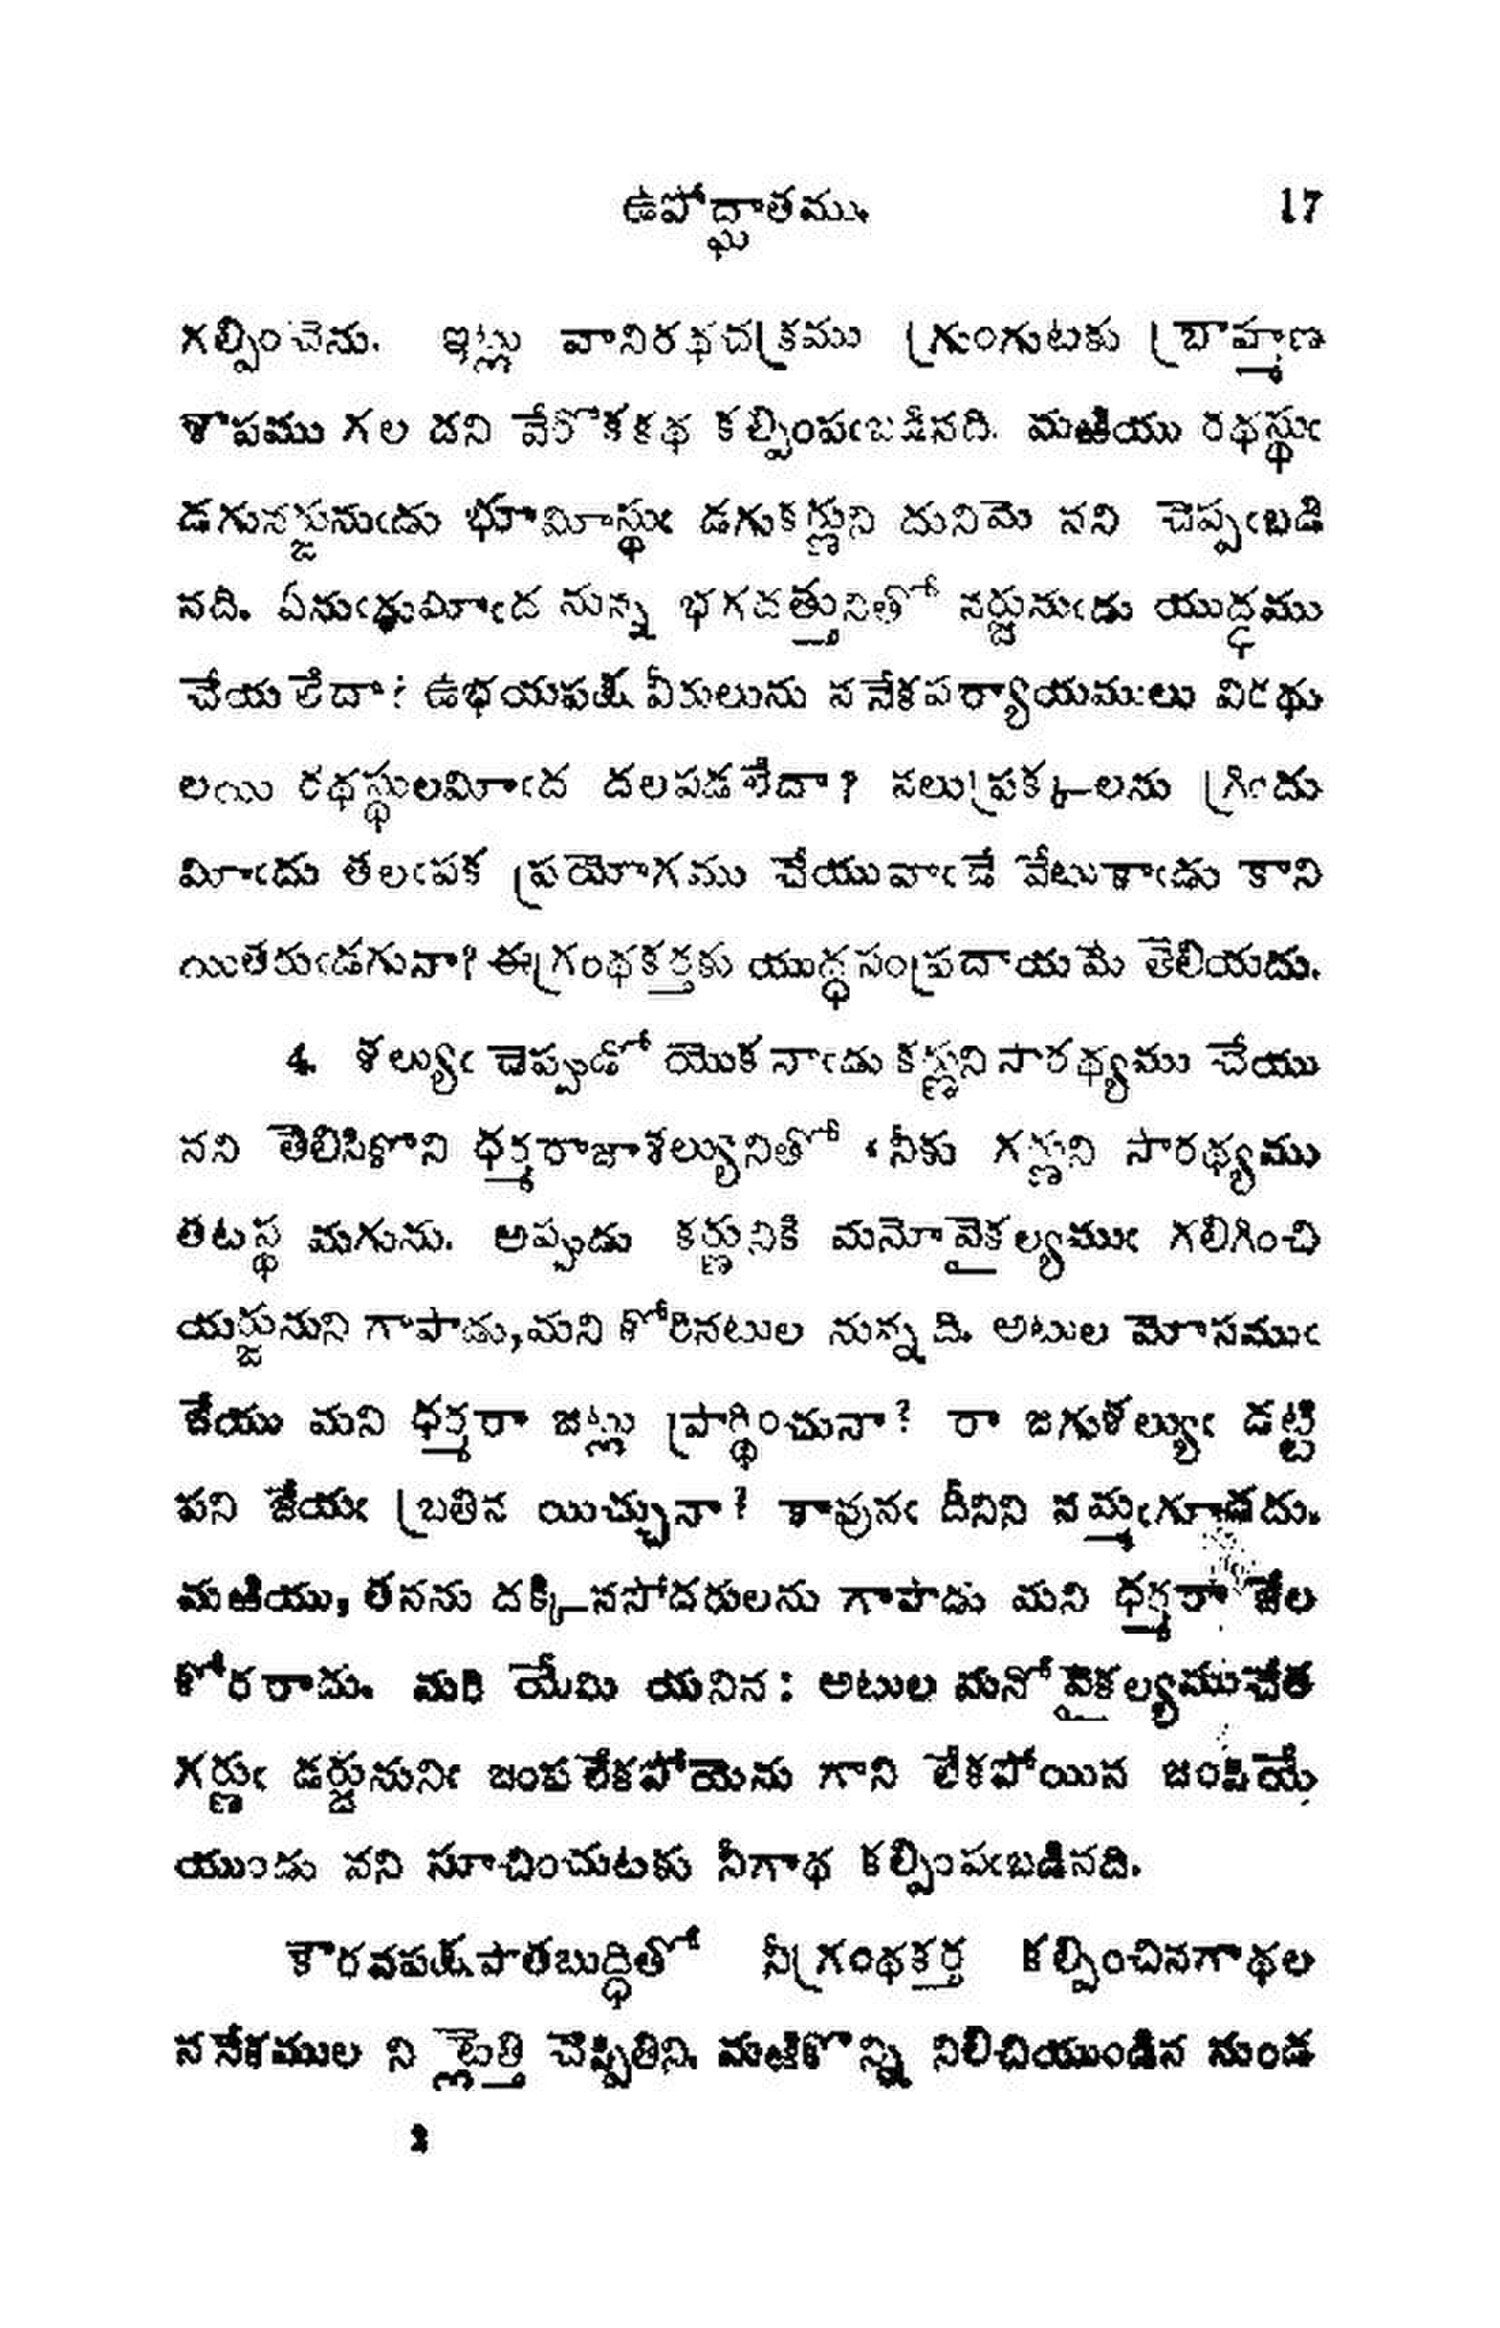గల్పించెను. ఇట్లు వానిరథచక్రము గ్రుంగుటకు బ్రాహ్మణ శాపము గల దని వేరొకకథ కల్పింపఁబడినది. మఱియు రథస్థుఁడగునర్జునుఁడు భూమీస్థుఁ డగుకర్ణుని దునిమె నని చెప్పఁబడినది. ఏనుఁగుమీఁద నున్న భగదత్తునితో నర్జునుఁడు యుద్ధము చేయలేదా? ఉభయపక్షవీరులును ననేకపర్యాయములు విరథులయి రథస్థులమీఁద దలపడలేదా? నలుప్రక్కలను గ్రిందు మీఁదు తలఁపక ప్రయోగము చేయువాఁడే వేటుకాఁడు కాని యితరుఁడగునా? ఈగ్రంథకర్తకు యుద్ధసంప్రదాయమే తెలియదు.

4 శల్యుఁ డెప్పుడో యొకనాఁడు కర్ణుని సారథ్యము చేయునని తెలిసికొని ధర్మరాజాశల్యునితో 'నీకు గర్ణుని సారథ్యము తటస్థ మగును. అప్పుడు కర్ణునికి మనోవైకల్యముఁ గలిగించి యర్జునుని గాపాడు, మని కోరినటుల నున్నది. అటుల మోసముఁజేయు మని ధర్మరా జట్లు ప్రార్థించునా ! రా జగుశల్యుఁ డట్టిపని జేయఁ బ్రతిన యిచ్చునా ? కావునఁ దీనిని నమ్మఁగూడదు. మఱియు, తనను దక్కిన సోదరులను గాపాడు మని ధర్మరా జేల కోరరాదు. మరి యేమి యనిన : అటుల మనో వైకల్యముచేత
గర్ణుఁ డర్జునునిఁ జంపలేకపోయెను గాని లేకపోయిన జంపియే యుండు నని సూచించుటకు నీగాథ కల్పింపబడినది.

కౌరవపక్షపాతబుద్ధితో నీగ్రంథకర్త కల్పించినగాథల ననేకముల నిట్లెత్తి చెప్పితిని, మఱికొన్ని నిలిచియుండిన నుండ